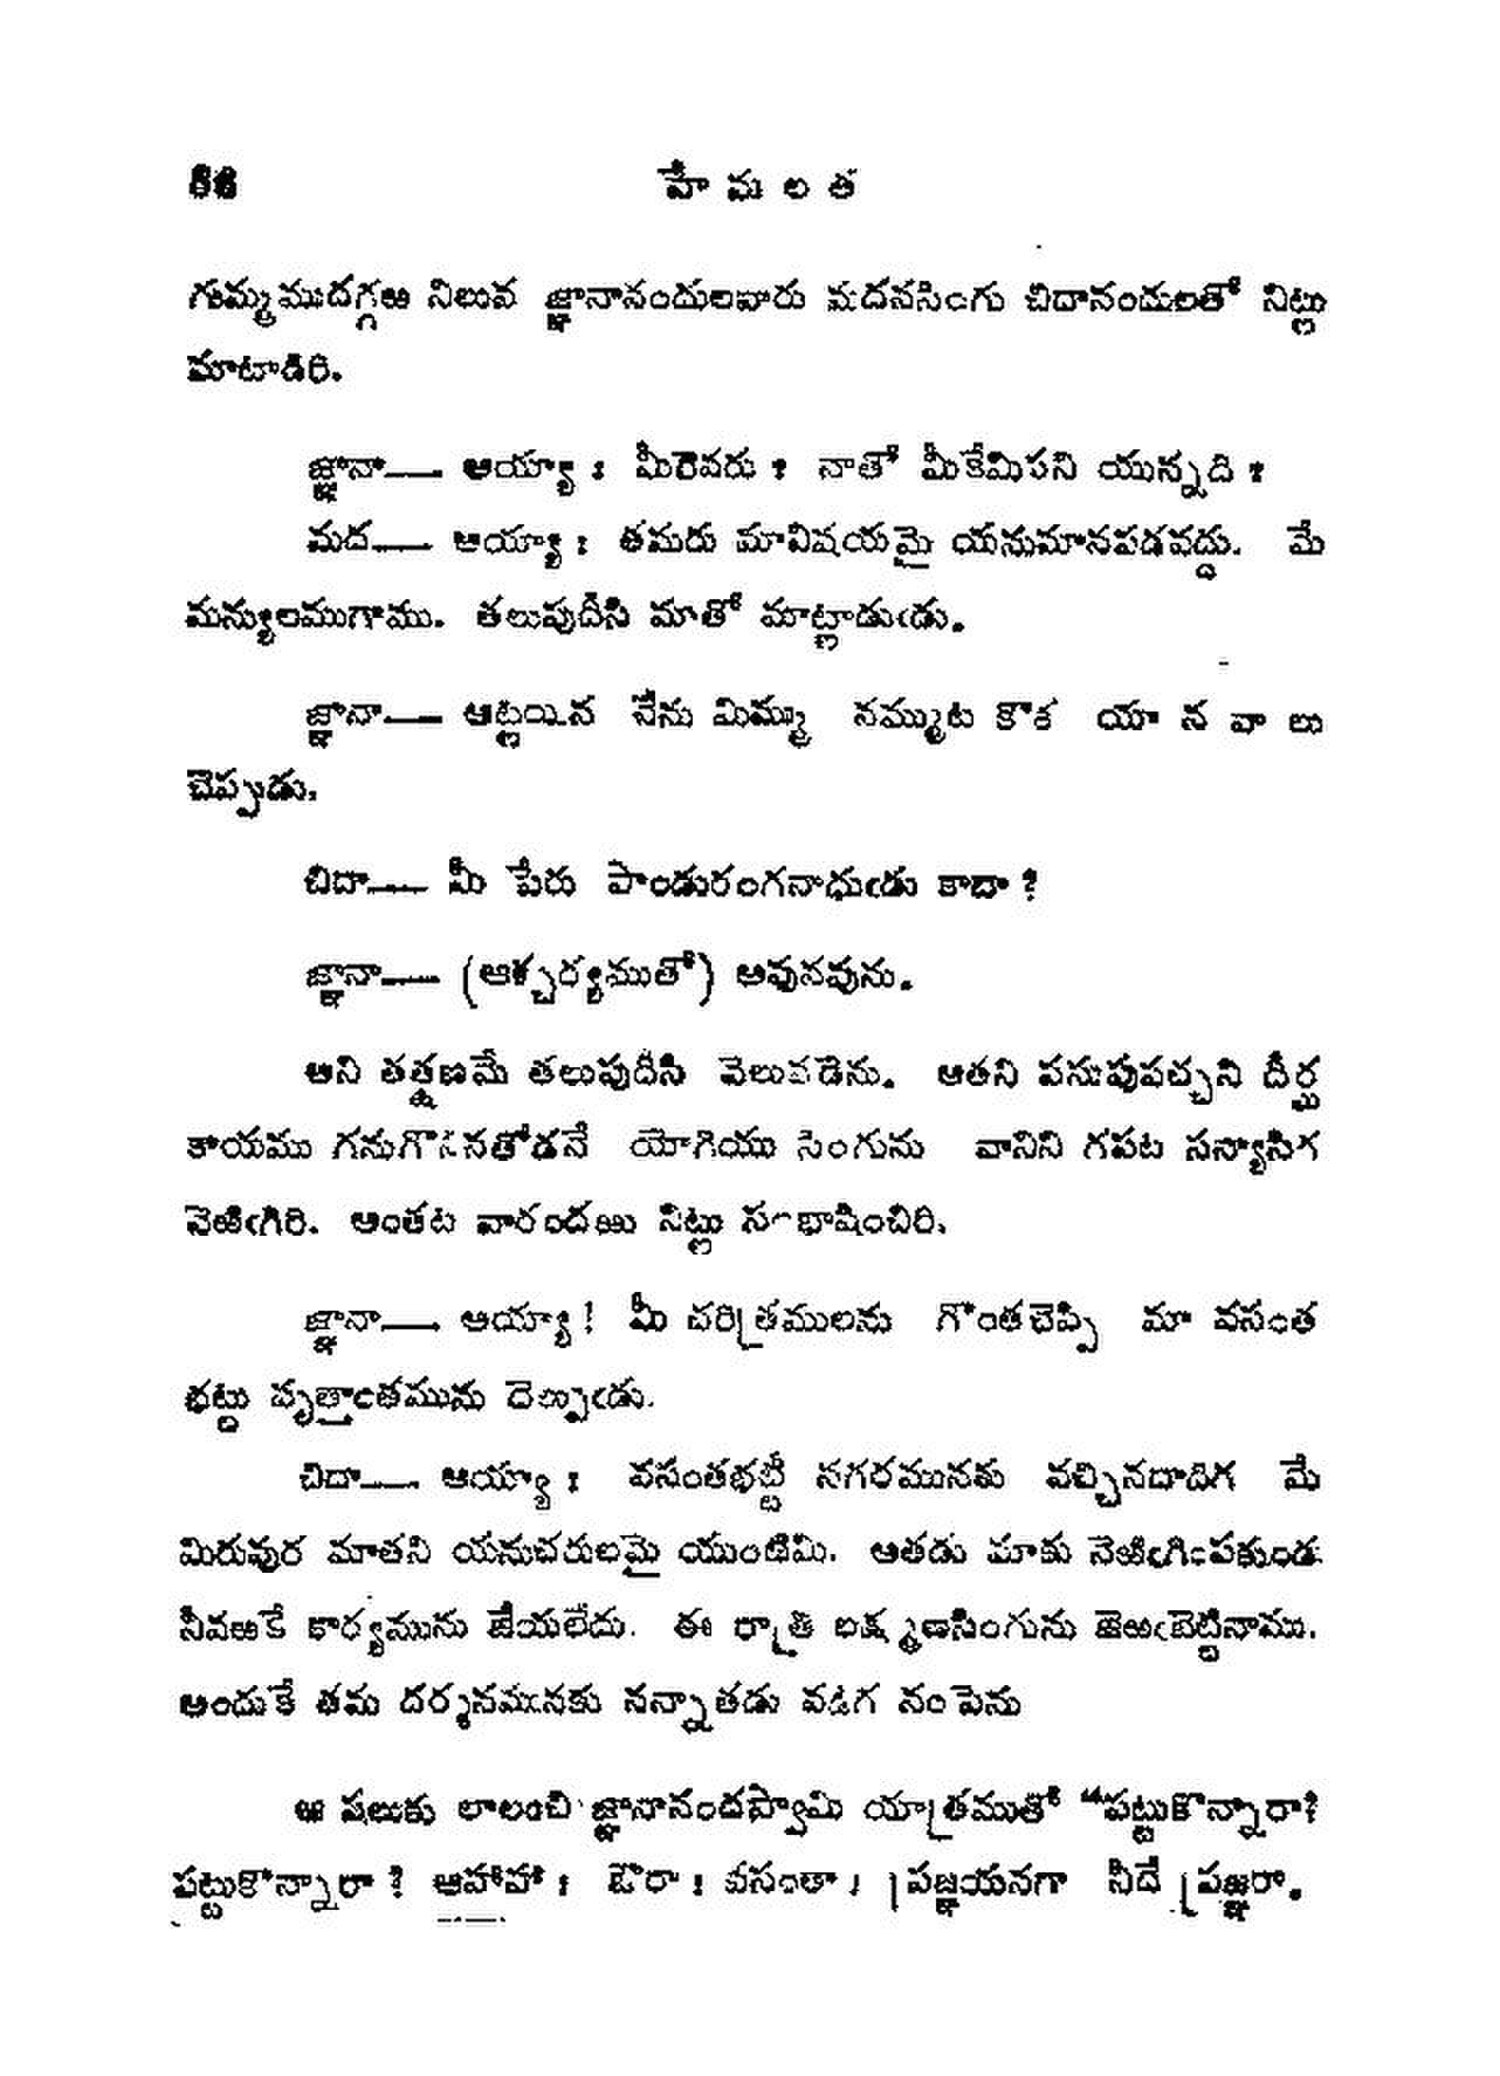గుమ్మముదగ్గఱ నిలువ జ్ఞానానందులవారు మదనసింగులతో నిట్లు మాటాడిరి.

జ్ఞానా — అయ్యా! మీరెవరు? నాతోమీకేమిపని యున్నది?

మద — అయ్యా! తమరు మావిషయమై యనుమాన పడవద్దు. మేమన్యులముగాము. తలపుదీసి మాతో మట్లాడుడు.

జ్ఞానా — అట్లయిన నేను మిమ్ము నమ్ముట కొక యానవాలు చెప్పుడు.

చిదా — మీపేరు పాండురంగనాధుఁడు కాదా?

జ్ఞానా — (ఆశ్చర్యముతో) అవునవును.

అని తత్క్షణమే తలుపుదీసి వెలువడెను. అతని పసుపుపచ్చని దీర్ఘకాయము గనుగొనినతోడనే యోగియు సింగును వానిని గపట సన్యాసిగ నెఱిఁగిరి. అంతట వారందఱు నిట్లు సంభాషించిరి.

జ్ఞానా — అయ్యా! మీచరిత్రములను గొంతజెప్పి మా వసంతభట్టు వృత్తాంతమును దెల్పుడు.

చిదా — అయ్యా! వసంతభట్టీ నగరమునకు వచ్చిన దాదిగ మేమిరువుర మతని యనుచరులమై యుంటిమి. అతడు మాకు నెఱిఁగింపకుండ నీవఱకే కార్యమును జేయలేదు. ఈ రాత్రి లక్ష్మణసింగును జెఱఁబెట్టినాము. అందుకే తమ దర్శనమునకు నన్నాతడు వడిగ నంపెను.

ఆ పలుకు లాలించి జ్ఞానానందస్వామి యాత్రముతో “పట్టుకొన్నారా? పట్టుకొన్నారా? ఆహాహా! ఔరా! వసంతా! ప్రజ్ఞయనగా నీదే ప్రజ్ఞరా.